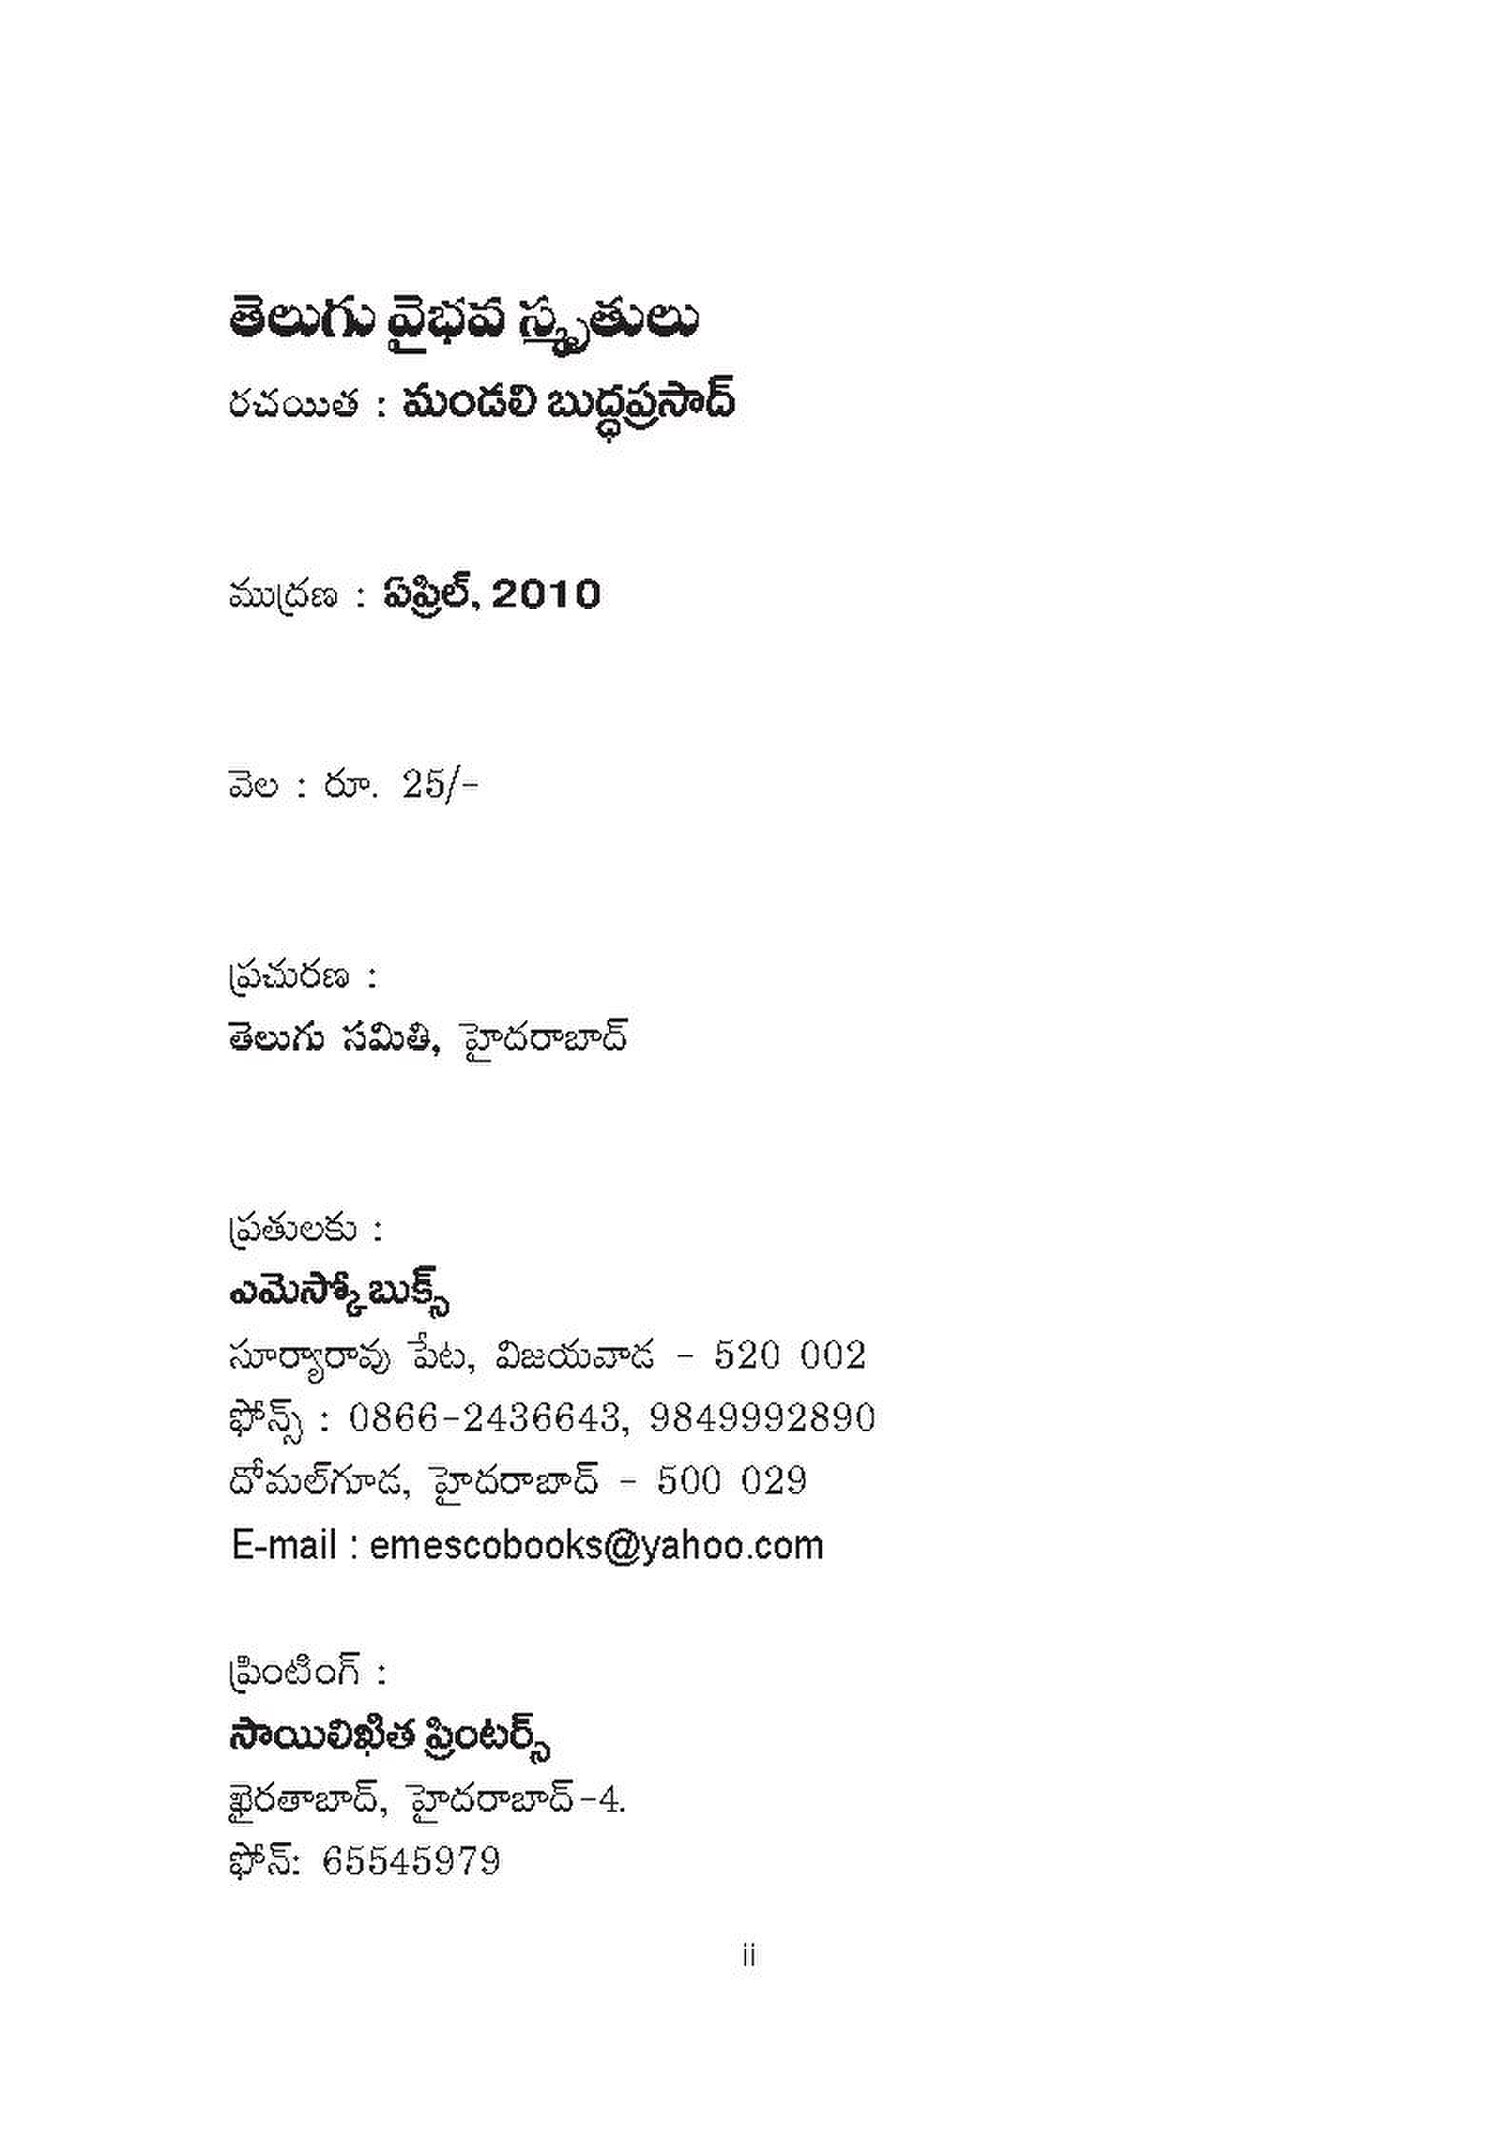తెలుగు వైభవ స్మృతులు

రచయిత : మండలి బుద్ధప్రసాద్‌

ముద్రణ : ఏప్రిల్‌, 2010

వెల : రూ. 25/-

ప్రచురణ :

తెలుగు సమితి, హైదారాబాద్‌

ప్రతులకు :

ఎమెస్కో బుక్స్‌

సూర్యారావు పేట, విజయవాడ - 520 002

ఫోన్స్‌ : 0866-2436643, 9849992890

దోమల్‌గూడ, హైదారాబాద్‌ - 500 029

E-mail: emescobooksyahoo.com

ప్రింటింగ్ :

సాయిలిఖిత ప్రింటర్స్‌

ఖైరతాబాద్‌, హైదారాబాద్‌-4.

ఫోన్‌: 65545979